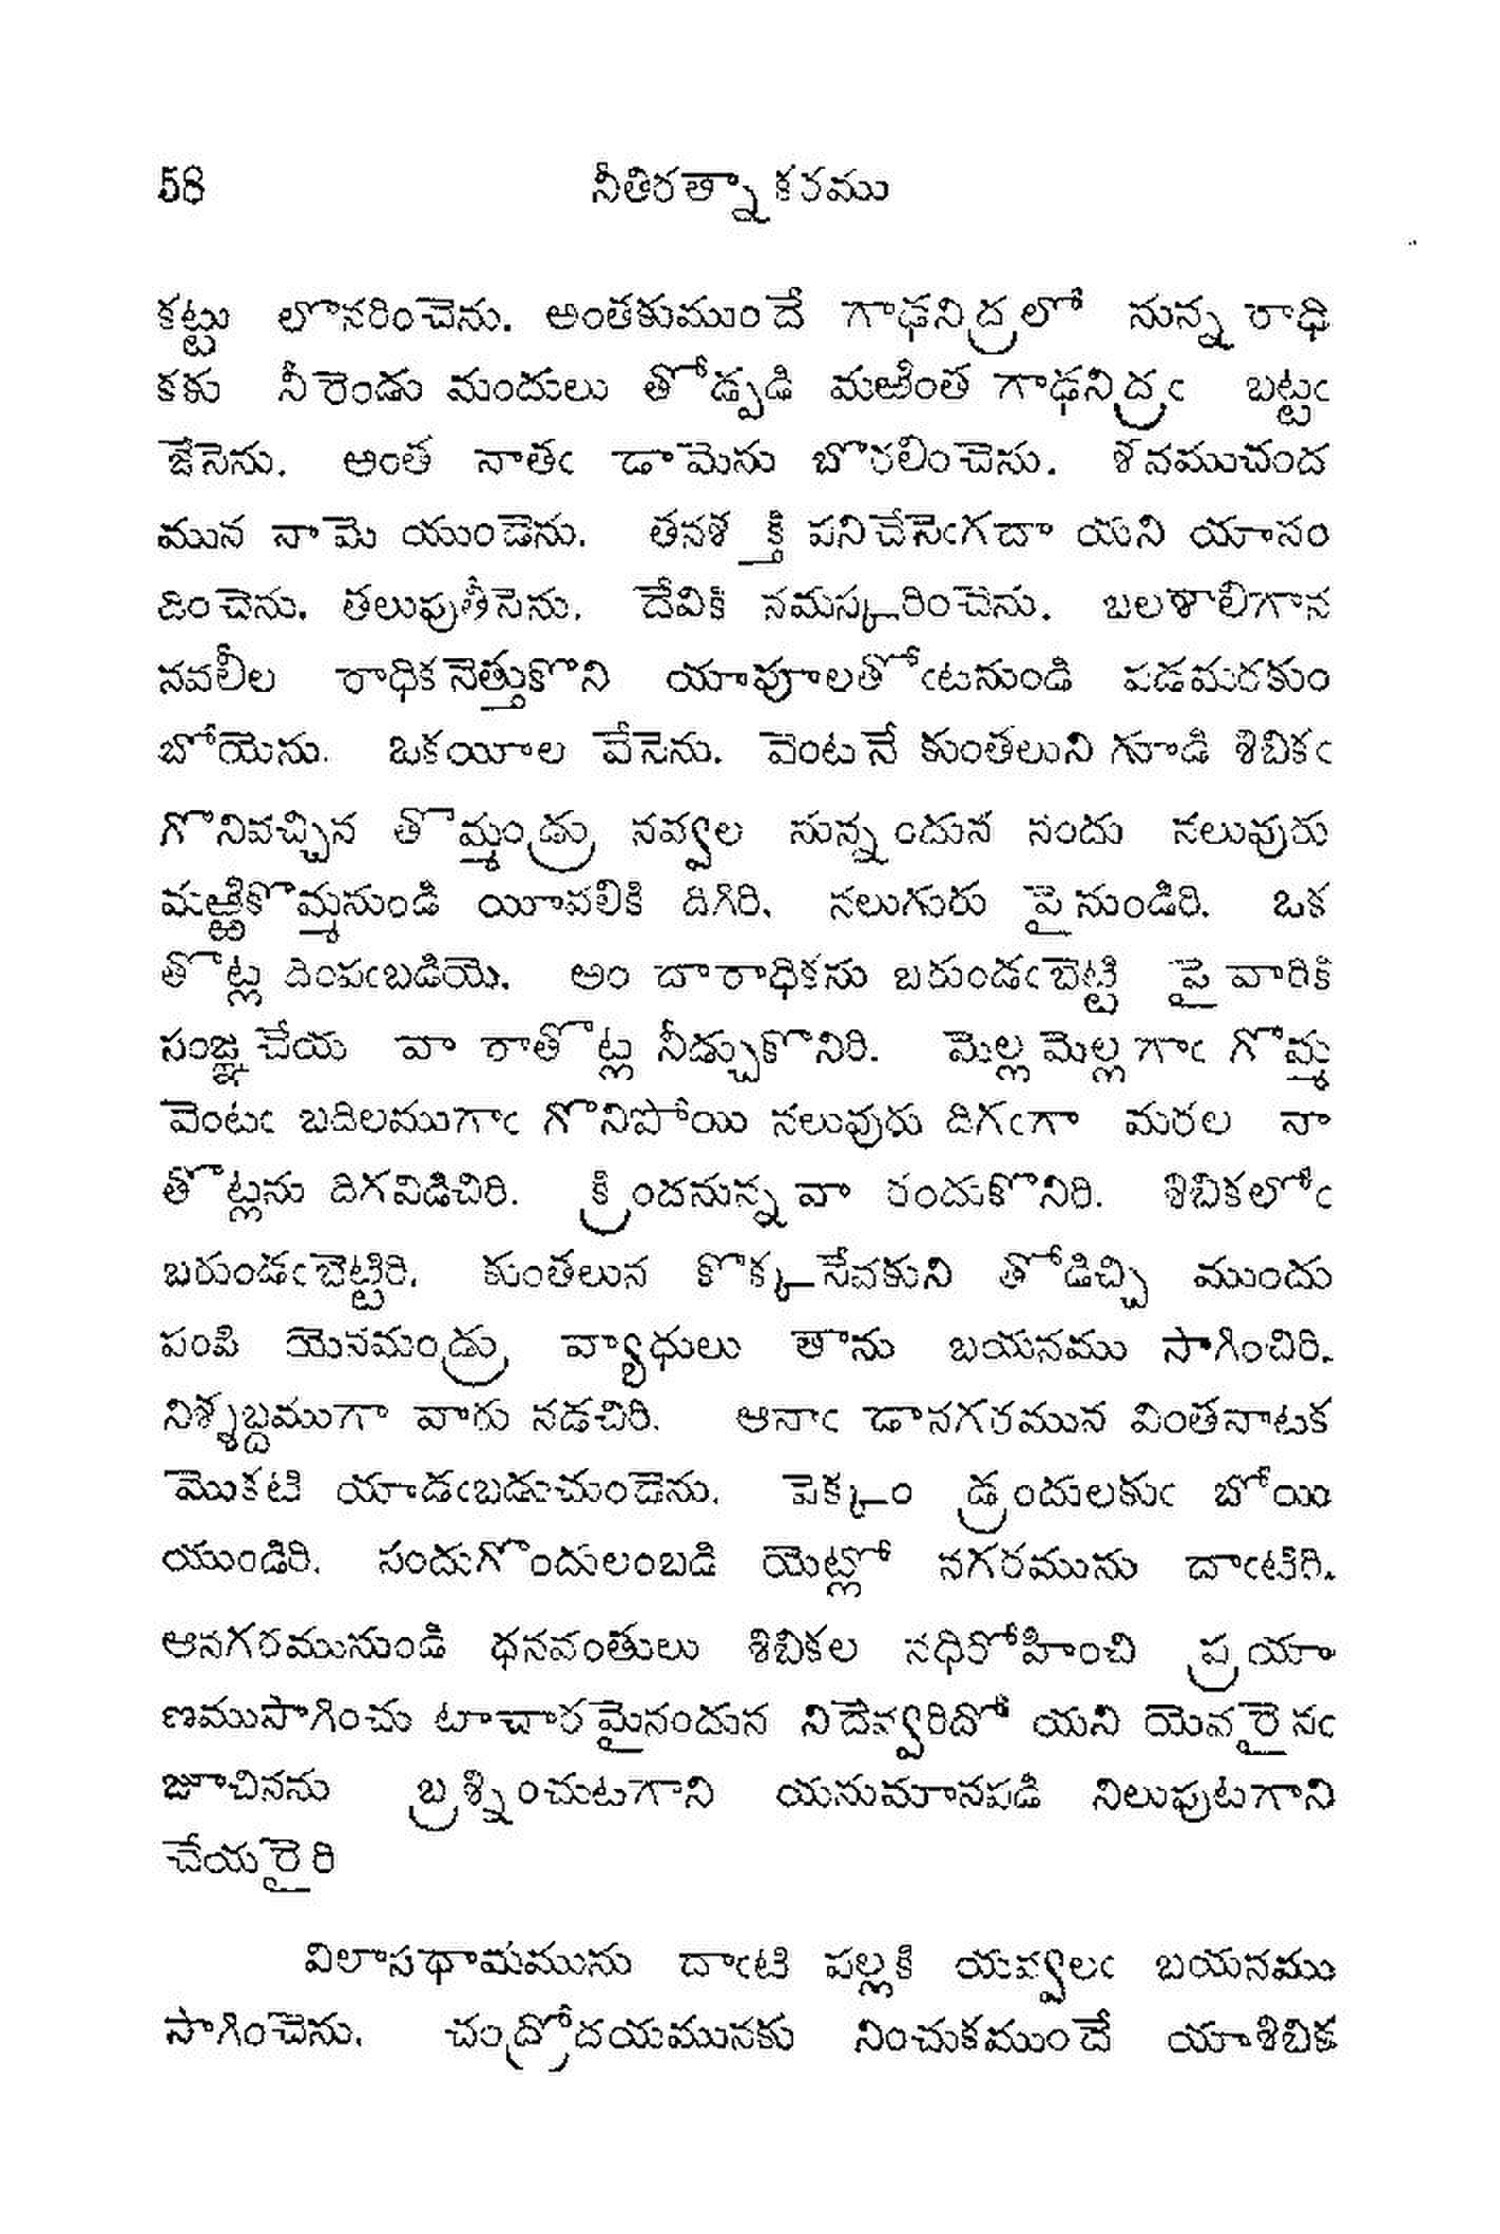కట్టు లొనరించెను. అంతకుముందే గాఢనిద్రలో నున్న రాధికకు నీ రెండు మందులు తోడ్పడి మఱింత గాఢనిద్రఁ బట్టఁ జేసెను. అంత నాతఁ డామెను బొరలించెను. శవముచందమున నామె యుండెను. తనశక్తి పనిచేసెఁగదా యని యానందించెను. తలుపు తీసెను, దేవికి నమస్కరించెను. బలశాలిగాన నవలీల రాధిక నెత్తుకొని యాపూలతోటనుండి పడమరకుం బోయేను. ఒకయీల వేసెను. వెంటనే కుంతలుని గూడి శిబిక ఁ గొనివచ్చిన తొమండ్రు నవ్వల నున్నందున నందు నలువురు మఱ్ఱి కొమ్మనుండి యీవలికి దిగిరి, నలుగురు పై నుండిరి. ఒక తొట్ల దింపఁబడియె. అందారాధికను బరుండఁ బెట్టి పై వారికి సంజ్ఞ చేయ వా రాతొట్ల నీడ్చుకొనిరి. మెల్ల మెల్ల గాఁ గొమ్మవెంటఁ బదిలముగాఁ గొనిపోయి నలువురు దిగఁగా మరల నా తొట్లను దిగవిడిచిరి. క్రిందనున్న వా రందుకొనిరి. శిబికలోఁ బరుండఁ బెట్టిరి. కుంతలున కొక్క సేవకుని తోడిచ్చి ముందు పంపి యెనమండ్రు, వ్యాధులు తాను బయనము సాగించిరి. నిశ్శబ్దముగా వారు నడచిరి. ఆనాఁ డానగరమున వింత నాటకమొకటి యాడఁబడుచుండెను. పెక్కం డందులకుఁ బోయి యుండిరి. సందుగొందులంబడి యెట్లో నగరమును దాఁటిరి. ఆనగరమునుండి ధనవంతులు శిబికల నధిరోహించి ప్రయా ణముసాగించు టాచారమైనందున నిదేవ్వరిదో యని యెవరైనం జూచినను బ్రశ్నించుటగాని యనుమానపడి నిలుపుటగాని చేయరైరి

విలాసథామమును దాఁటి పల్లకి యవ్వల బయనము సాగించెను. చంద్రోదయమునకు నించుకముందే యాశిబిక